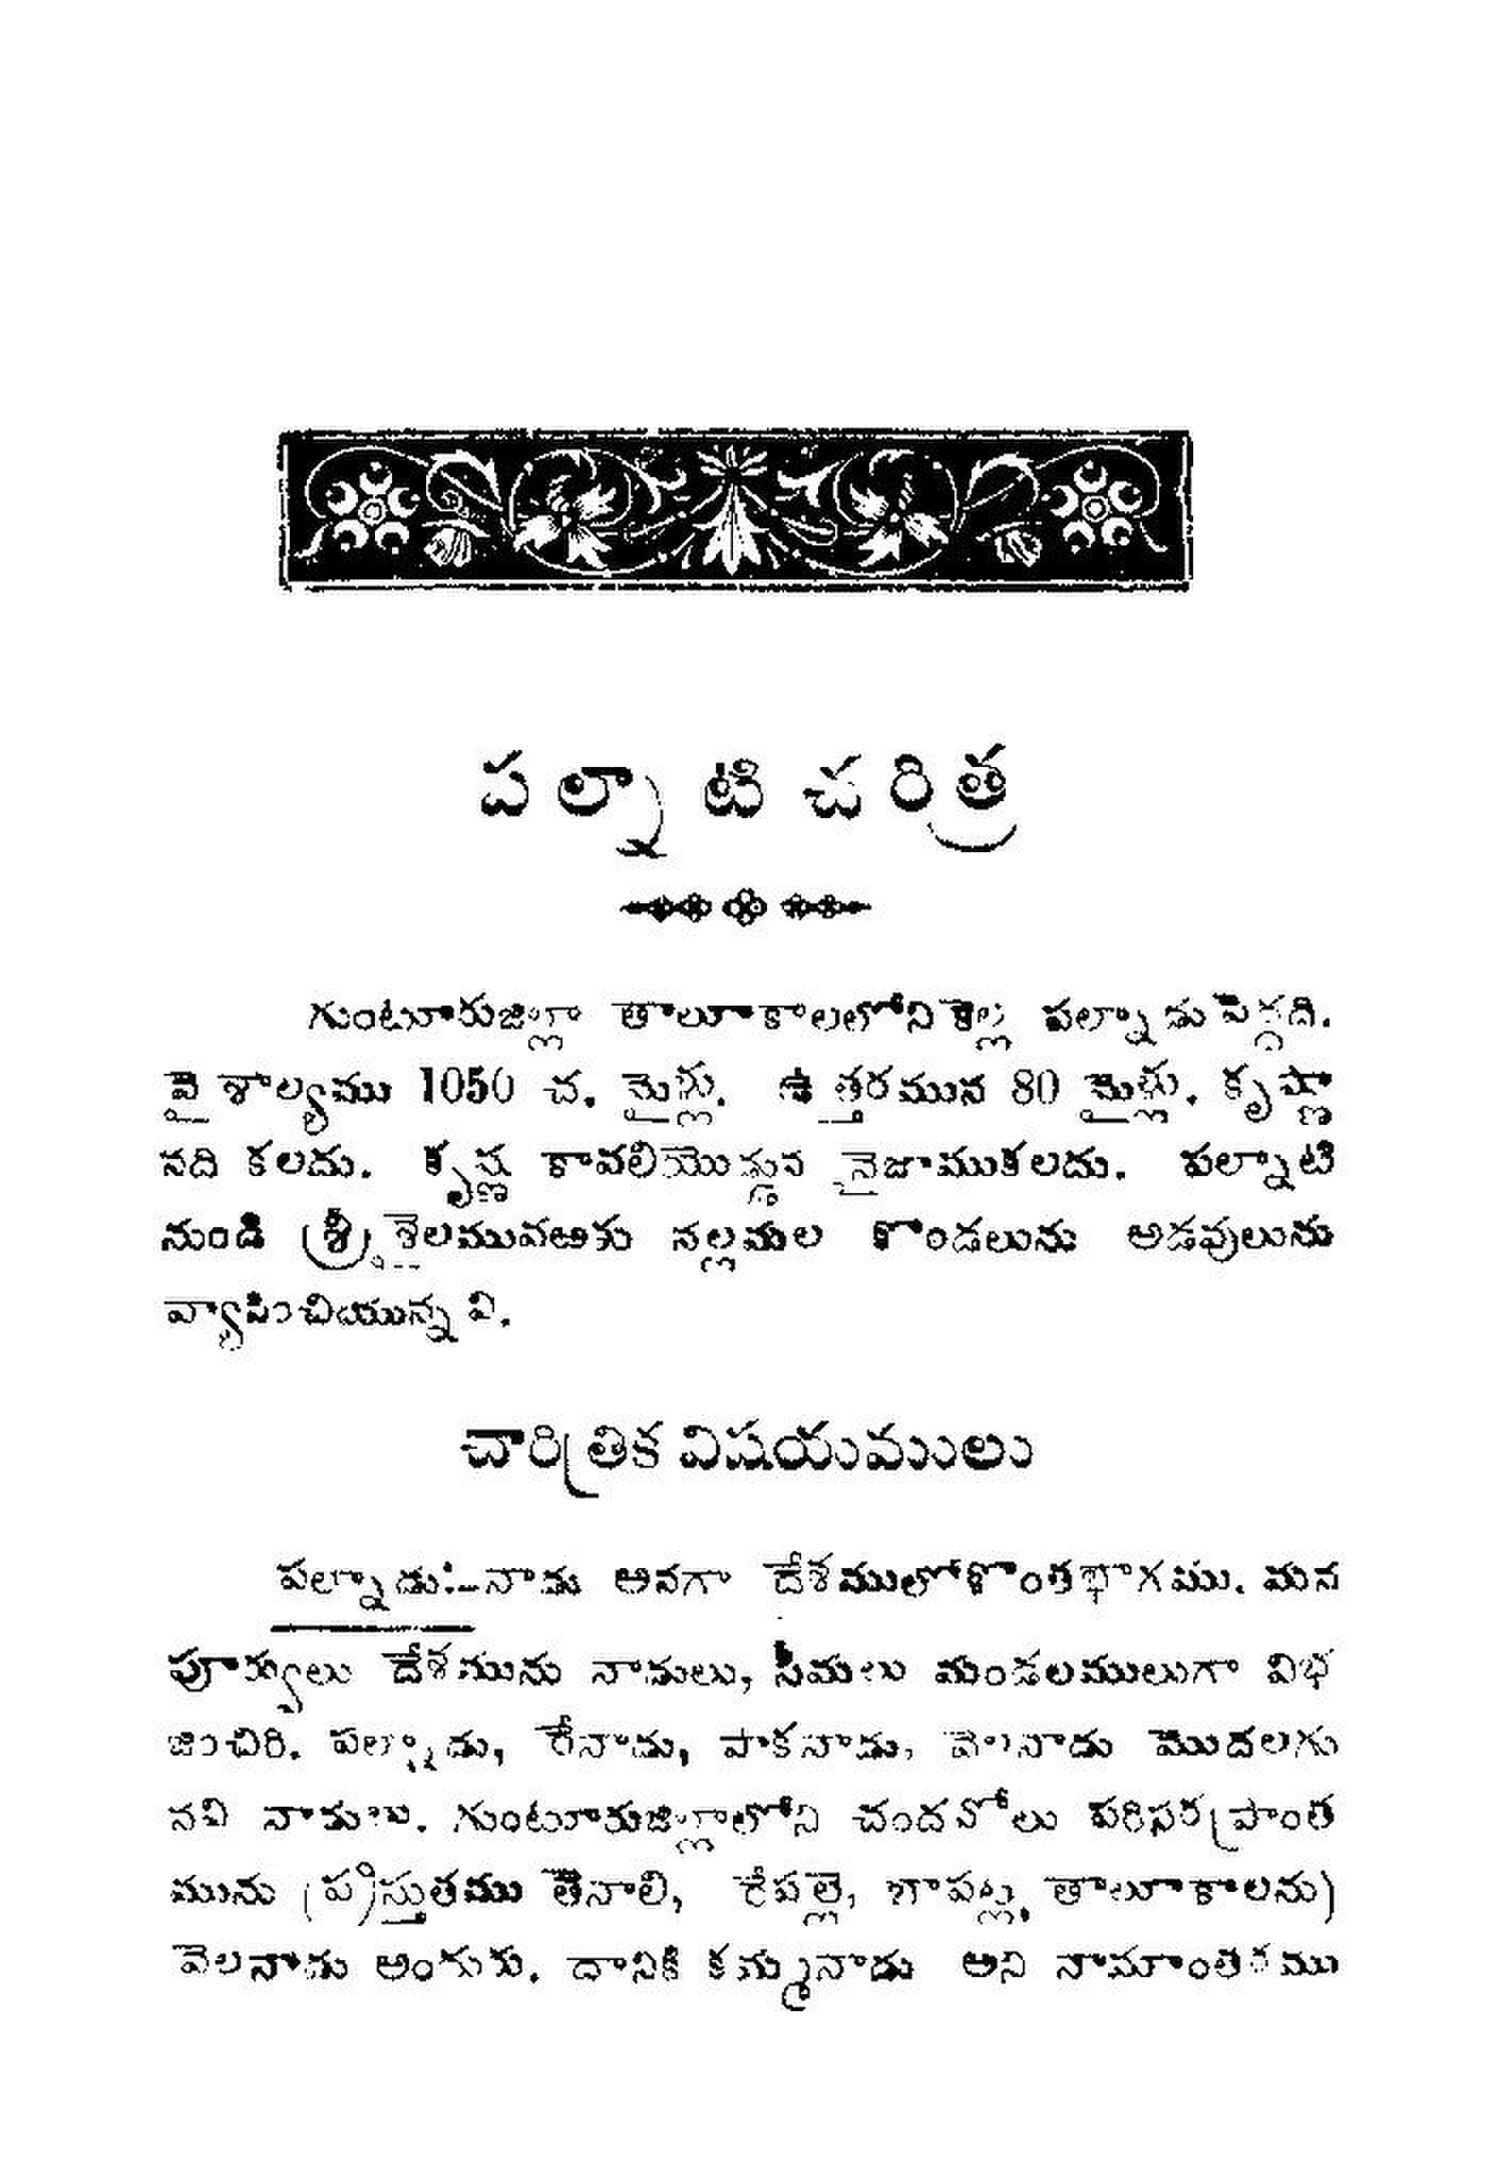గుంటూరు జిల్లా తాలూకాలలోని కెల్ల పల్నాడు పెద్దది.
వైశాల్యము 1050 చ. మైళ్లు. ఉత్తరమున 80 మైళ్లు, కృష్ణా
నది కలదు. కృష్ణ కావలి యొడ్డున నైజాముకలదు. పల్నాటి
నుండి శ్రీ శైలమువఱకు నల్లమల కొండలును అడవులును
వ్యాపించియున్న వి.

పల్నాడు:-నాడు అనగా దేశములో కొంత భాగము, మన
పూర్వులు దేశమును నాడులు, సీమలు మండలములుగా విభ
జించిరి. పల్నాడు, రేనాడు, పాకనాడు, వెలనాడు మొదలగు
నవి నాడులు. గుంటూరు జిల్లాలోని చందవోలు పరిసర ప్రాంత
మును ప్రస్తుతము తెనాలి, రేపల్లె, బాపట్ల తాలూకాలను)
వెలనాడు అందుకు. దానికి కమ్మనాడు అని నామాంతరము